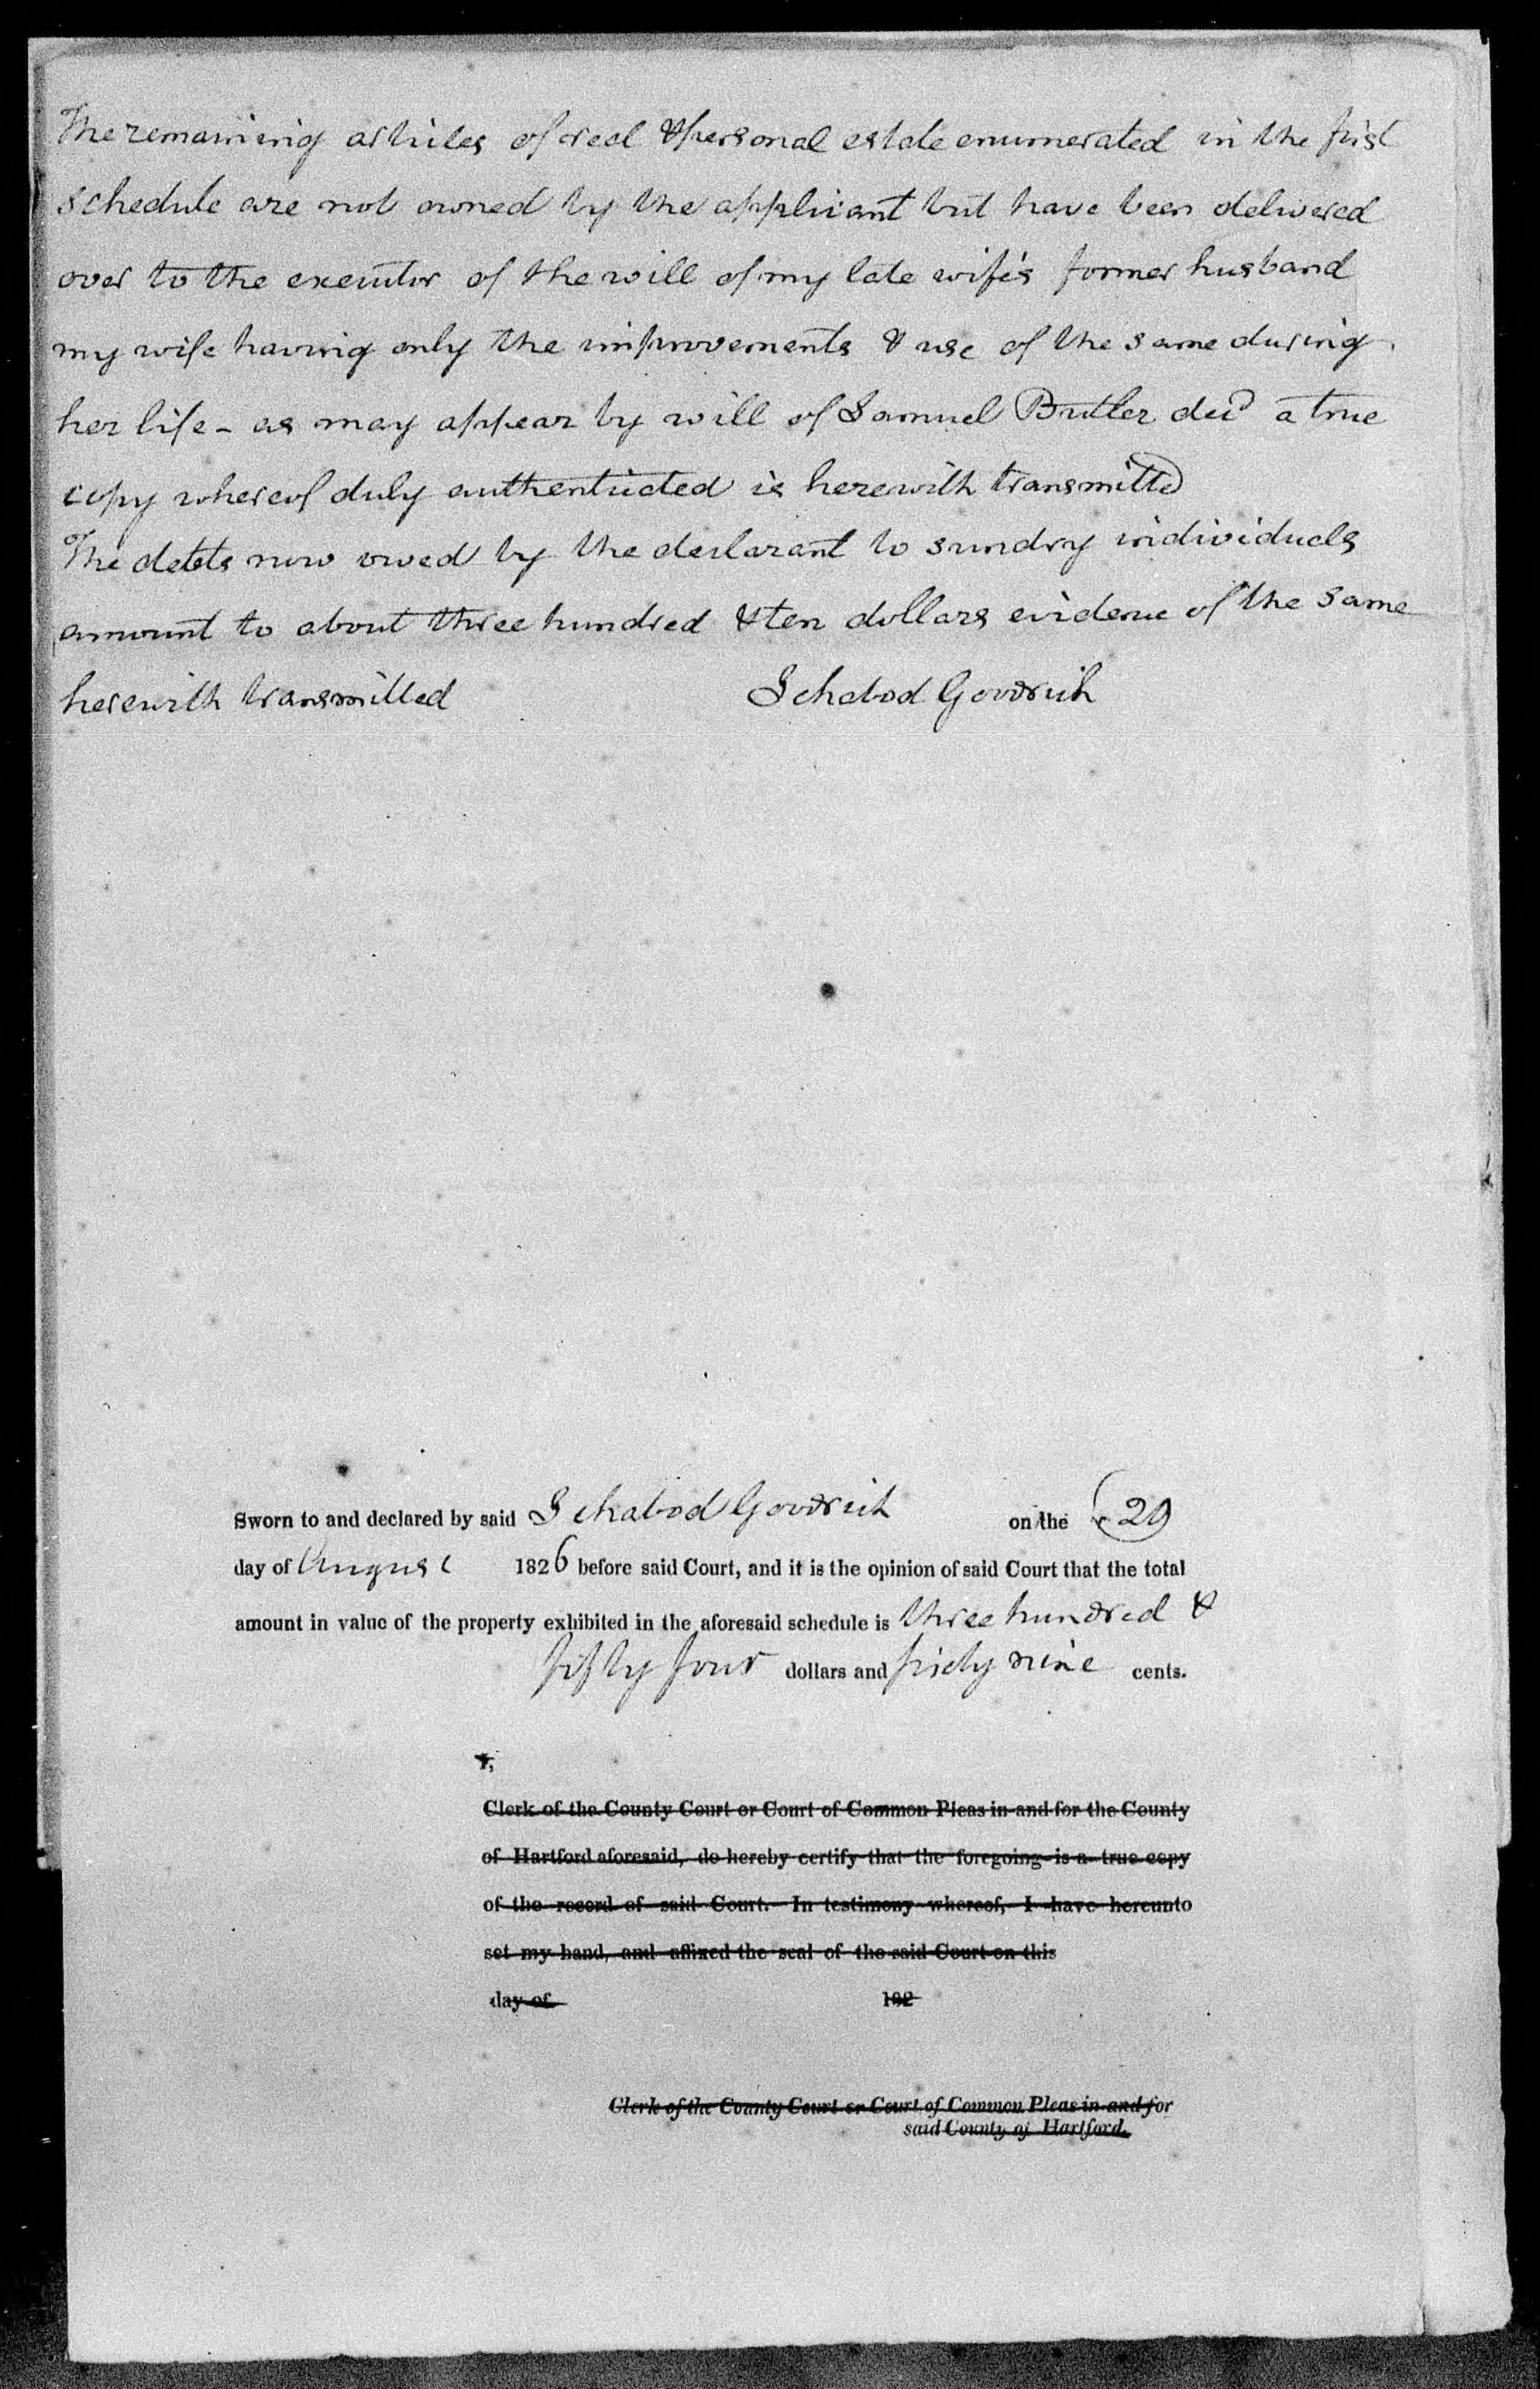The remaining assets of real & personal estate enumerated in the first schedule are not owned by the applicant but have been delivered over to the executor of the will of my late wife's former husband, my wife having only the improvements & use of the same during her life - as may appear by will of Samuel Butler decd a true copy whereof duly authenticated is herewith transmitted.

The debts now owed by the declarant to sundry individuals amount to about three hundred & ten dollars evidence of the same herewith transmitted.
Ichabod Goodrich

Sworn to and declared by said Ichabod Goodrich on the 20th day of August 1826 before said Court, and it is the opinion of said Court that the total amount in value of the property exhibited in the aforesaid schedule is three hundred & fifty four dollars and sixty nine cents.

[crossed out "Clerk of the County Court or Court of Common Pleas in and for the County of Hartford aforesaid, do hereby certify that the foregoing is a true copy of the record of said Court. In testimony whereof, I have hereunto set my hand, and affixed the seal of the said Court on this ____ day of ____ 182__.
Clerk of the County Court or Court of Common Pleas in and for said County of Hartford" end of crossed out section]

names: Ichabod Goodrich, Samuel Butler, Ichabod Goodrich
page: 22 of 46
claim: survivor's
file: S. 36,556, Ichabod Goodrich, Conn.